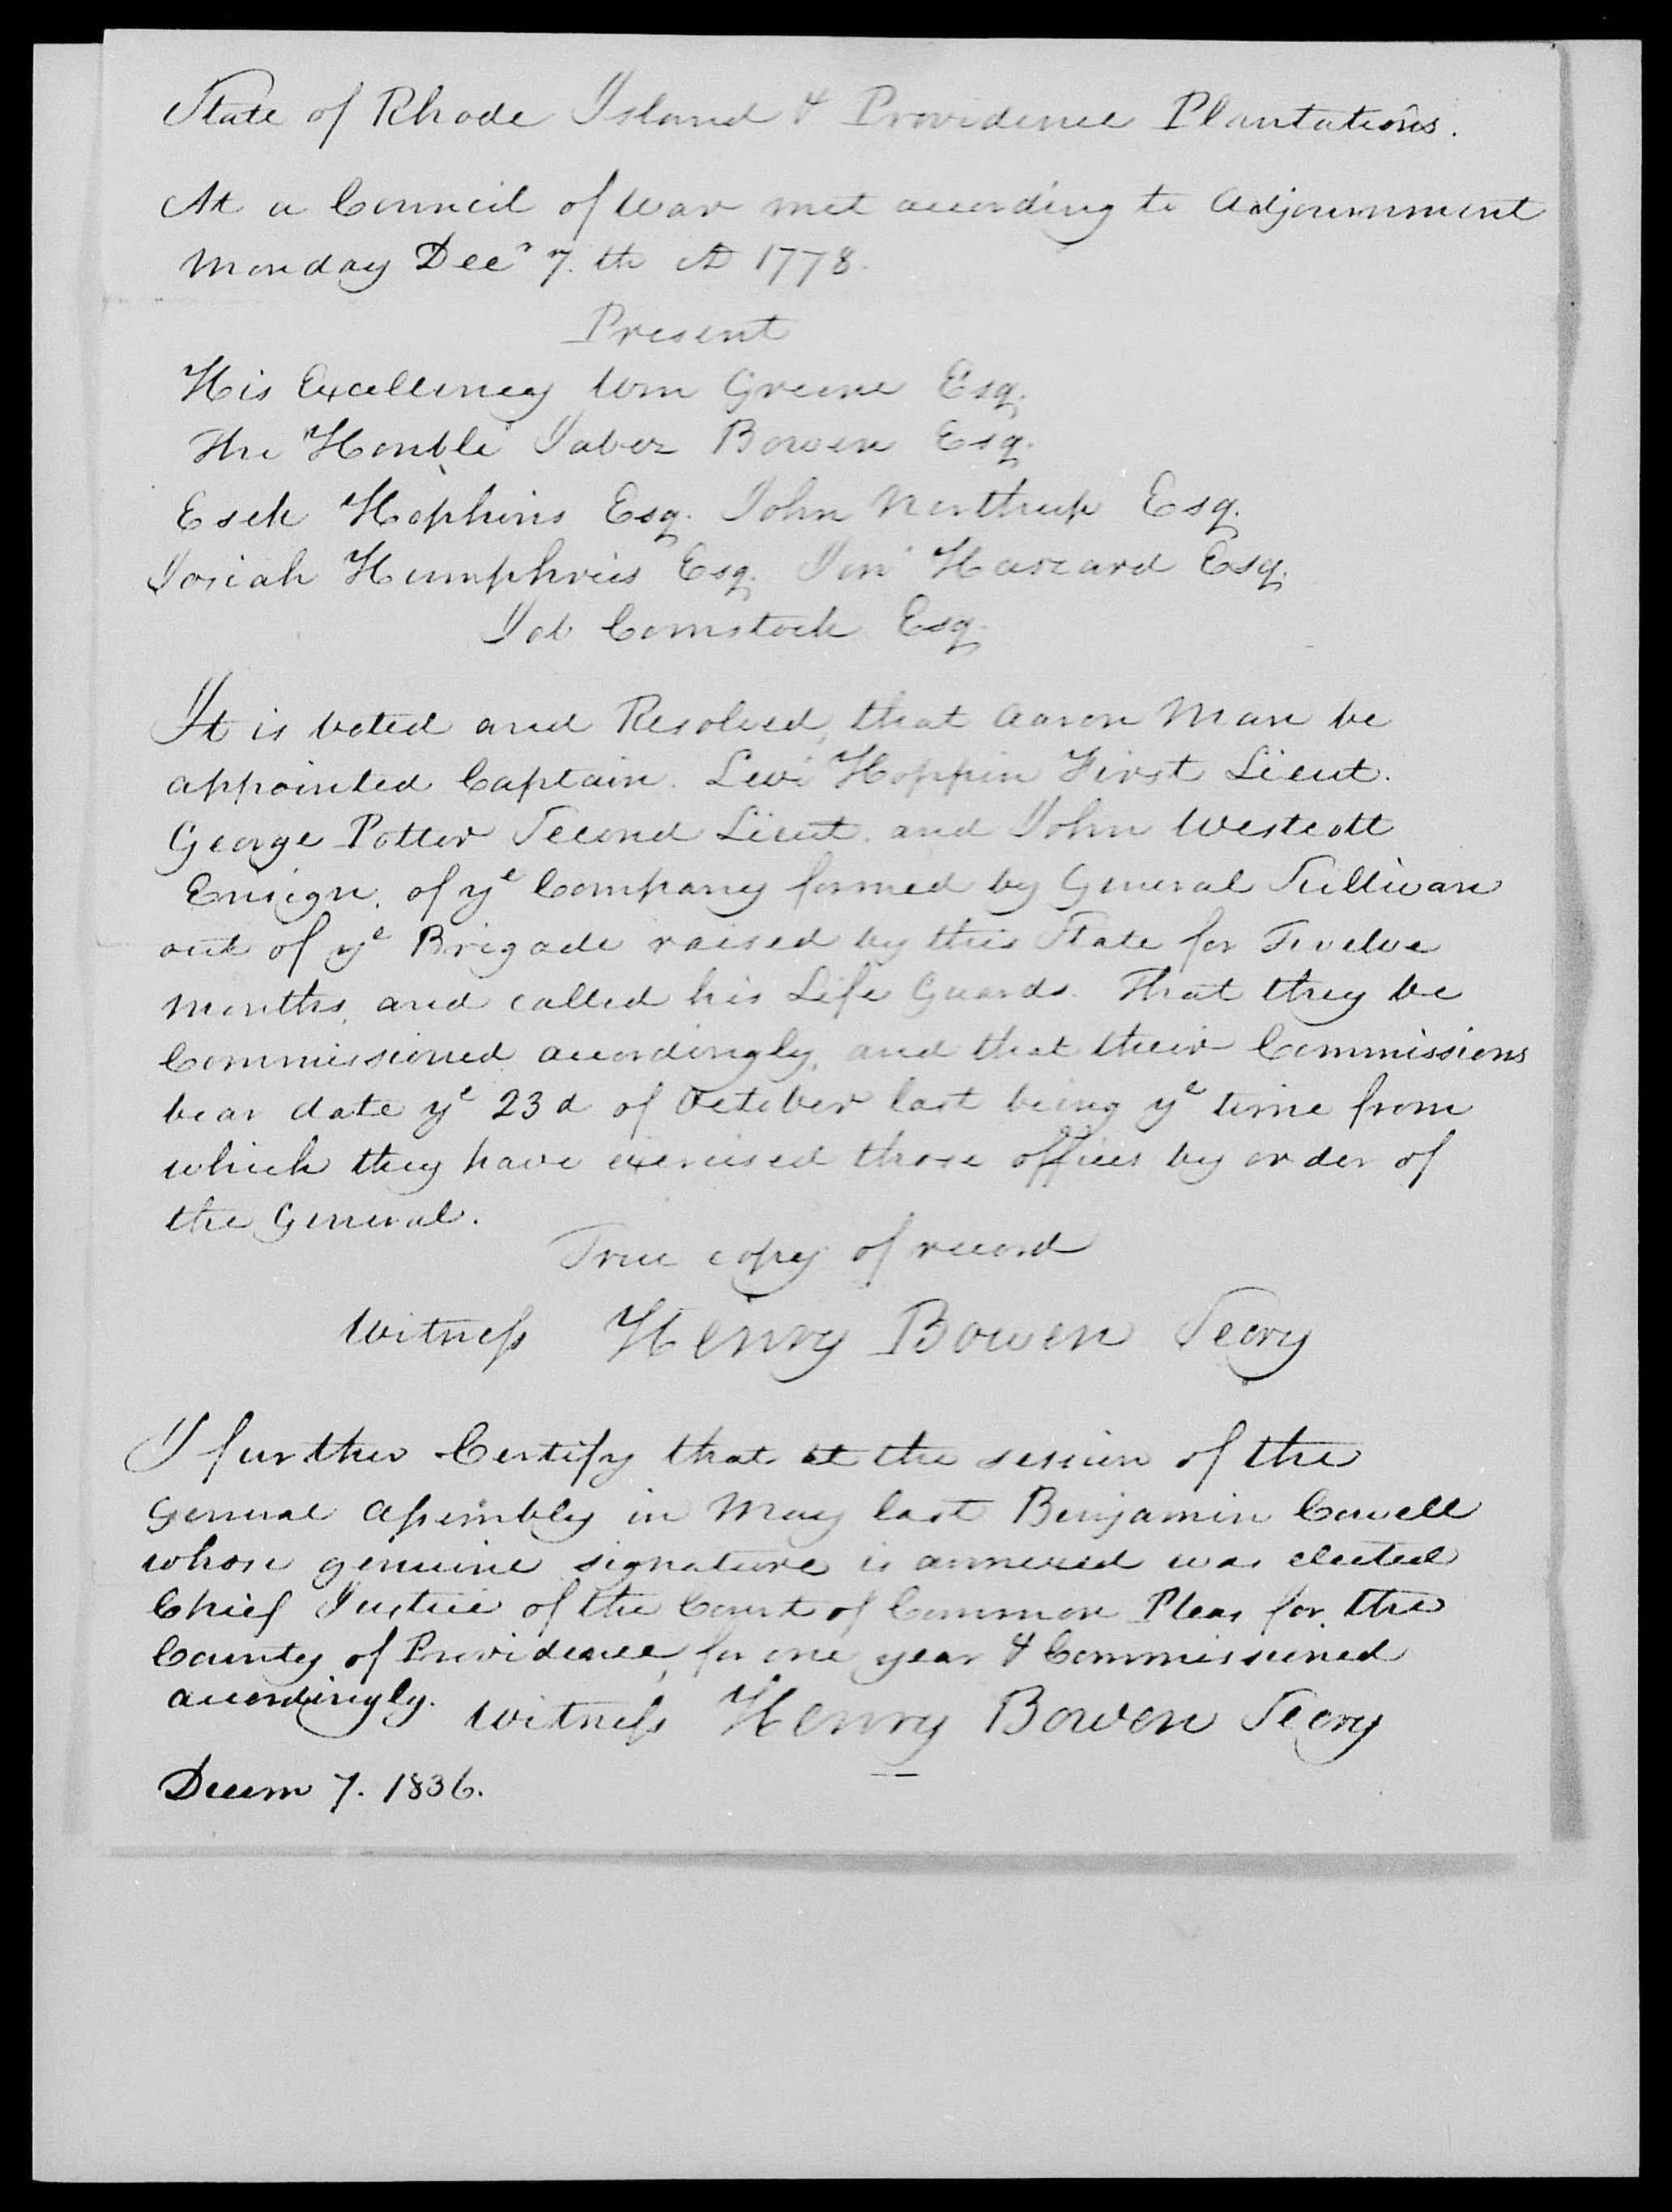State of Rhode Island & Providence Plantations

At a Council of War met according to Adjournment
Monday Dec 7th AD 1778

Present
His Excellency Wm. Greene Esq.
The Honble Jaber Bowen Esq.
Esck Hopkins Esq
John Northrup Esq.
Josiah Humphries Esq
Jon Harvard Esq
Jeb Comstock Esq

It is voted and Resolved that Aaron Man be appointed Captain. Levi Hoppin First Lieut. George Potter Second Lieut. and John Westcott Ensign of Y Company formed by General Sullivan out of Y Brigade raised by this State for Twelve months and called his Life Guards.  That they be commissioned accordingly, and that their Commissions bear date  23rd October last being time from which they have exercised those offices by order of the General.

True copy of record
Witness Henry Bowen Secry

I further Certify that the service of the General Assembly in May last Bejanmin Cowell whose genuine signature is amended was elected Chief Justice of the Courts of Common Pleas for the County of Providence for one year & Commissioned accordingly
Witness   Henry Bowen Secry

Decem 7 1856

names: [BLANK] Sullivan; Levi Hoppin; George Potter; Wm Greene; Benjamin Cowell; Josiah Humphries; John Westcott; Jabez Bowen; Job Comstock; Henry Bowen; Esek Hopkins; Jon Harvard; John Northup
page: 30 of 40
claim: widow's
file: W. 16058, for George Potter, Rhode Island